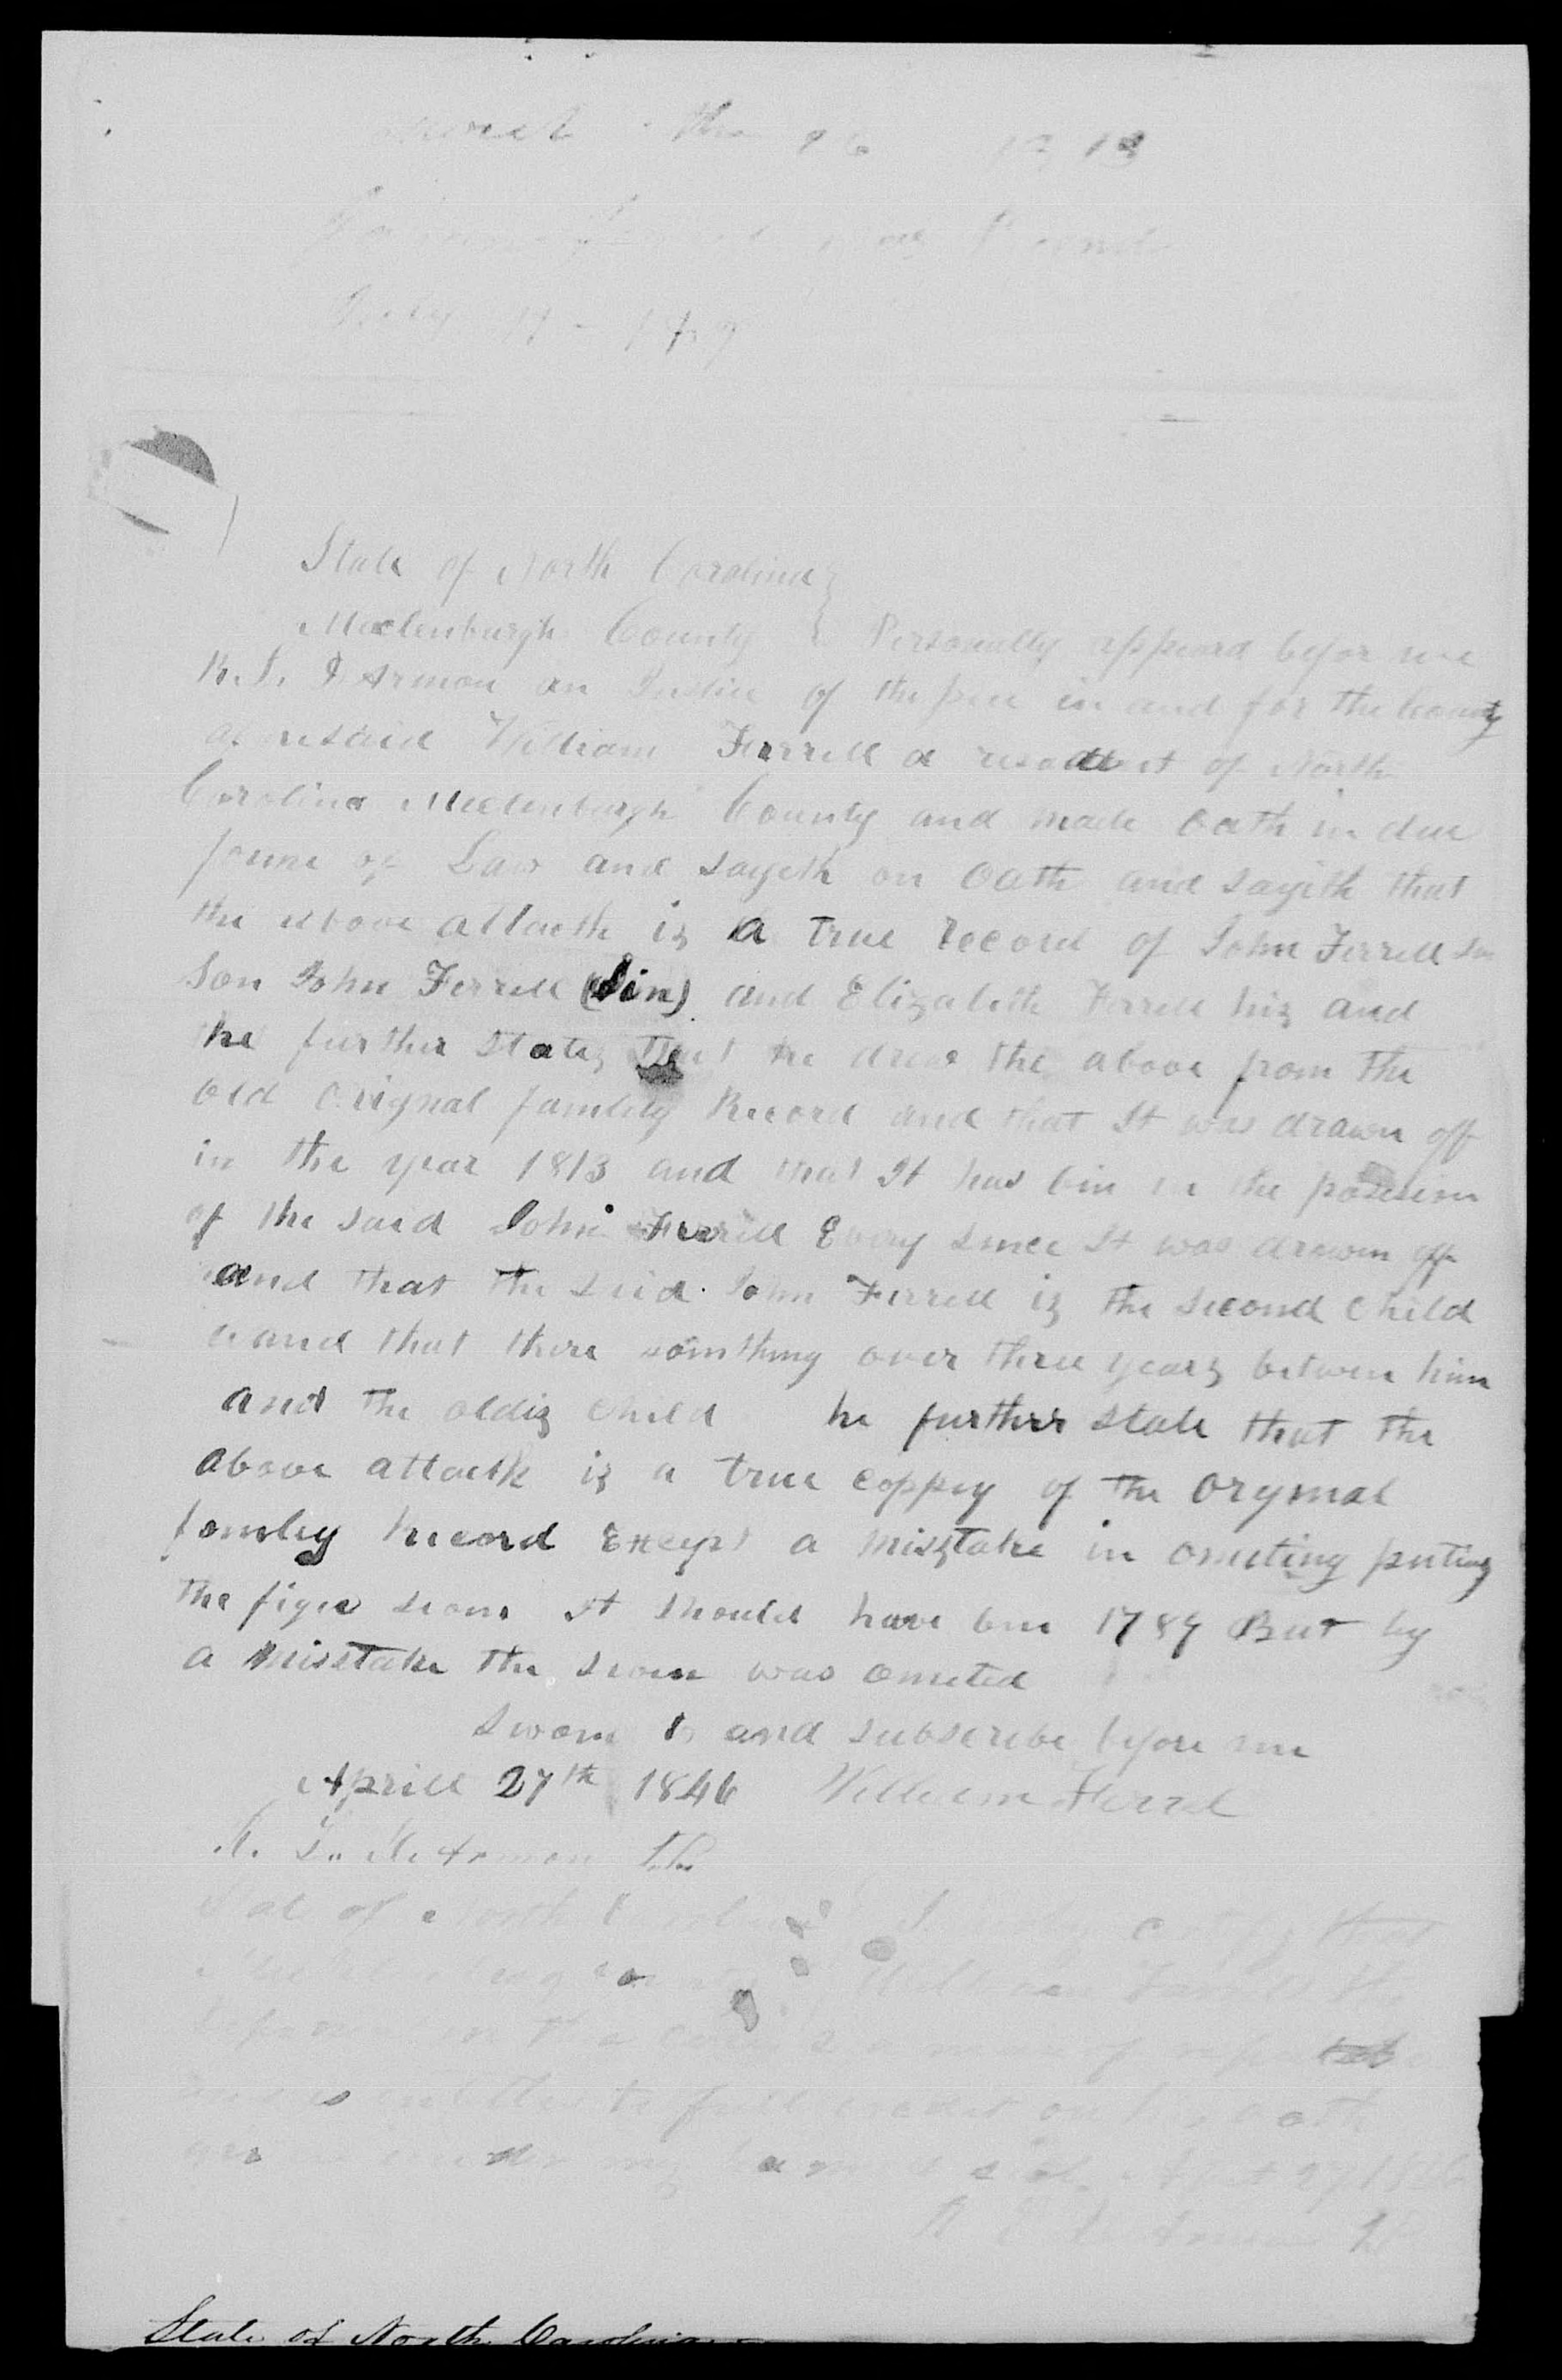March the 16 1813
James Ferrell was born July 11 :illegible
State of North Carolina
Meckenburgh County
Personally appeared before me R.L. DeArmour an Justice of the peace in and for the County William Ferrell a resident of North Carolina, Meckenburgh County and made oath in due form of Law and sayeth on oath and sayeth that the above attach is a true record of John Ferrell Sr son John Ferrell (son) and Elizabeth Ferrell his and he further states that he drew the above from from the old original family Record and that it was drawn off of the said John Ferrell every line.  It was drawn off and that the said John Ferrell is he second child and that there something over three years between him and the oldest child he further state that the above attach is a true coppey of the original family record Except a mistake in omitting putting the figure seven at recorded have bin 1789 But by a mistake the seven was omited.  
Sworn and subscribed before me April 27th 1846 William Ferrel
R.L. DeArmon JP
State of North Carolina 
Meckenburgh County
I hereby certify that William Ferrell :the remainder is illegible to make out:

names: John Ferrell, John Ferrell, Elizabeth Ferrell, B L De Armon, John Ferrill, John Ferrell, William Ferrell, William Ferrel, William Ferrel, R L De Armon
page: 12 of 52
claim: rejected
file: R. 3,512, John Ferrell, N.C.